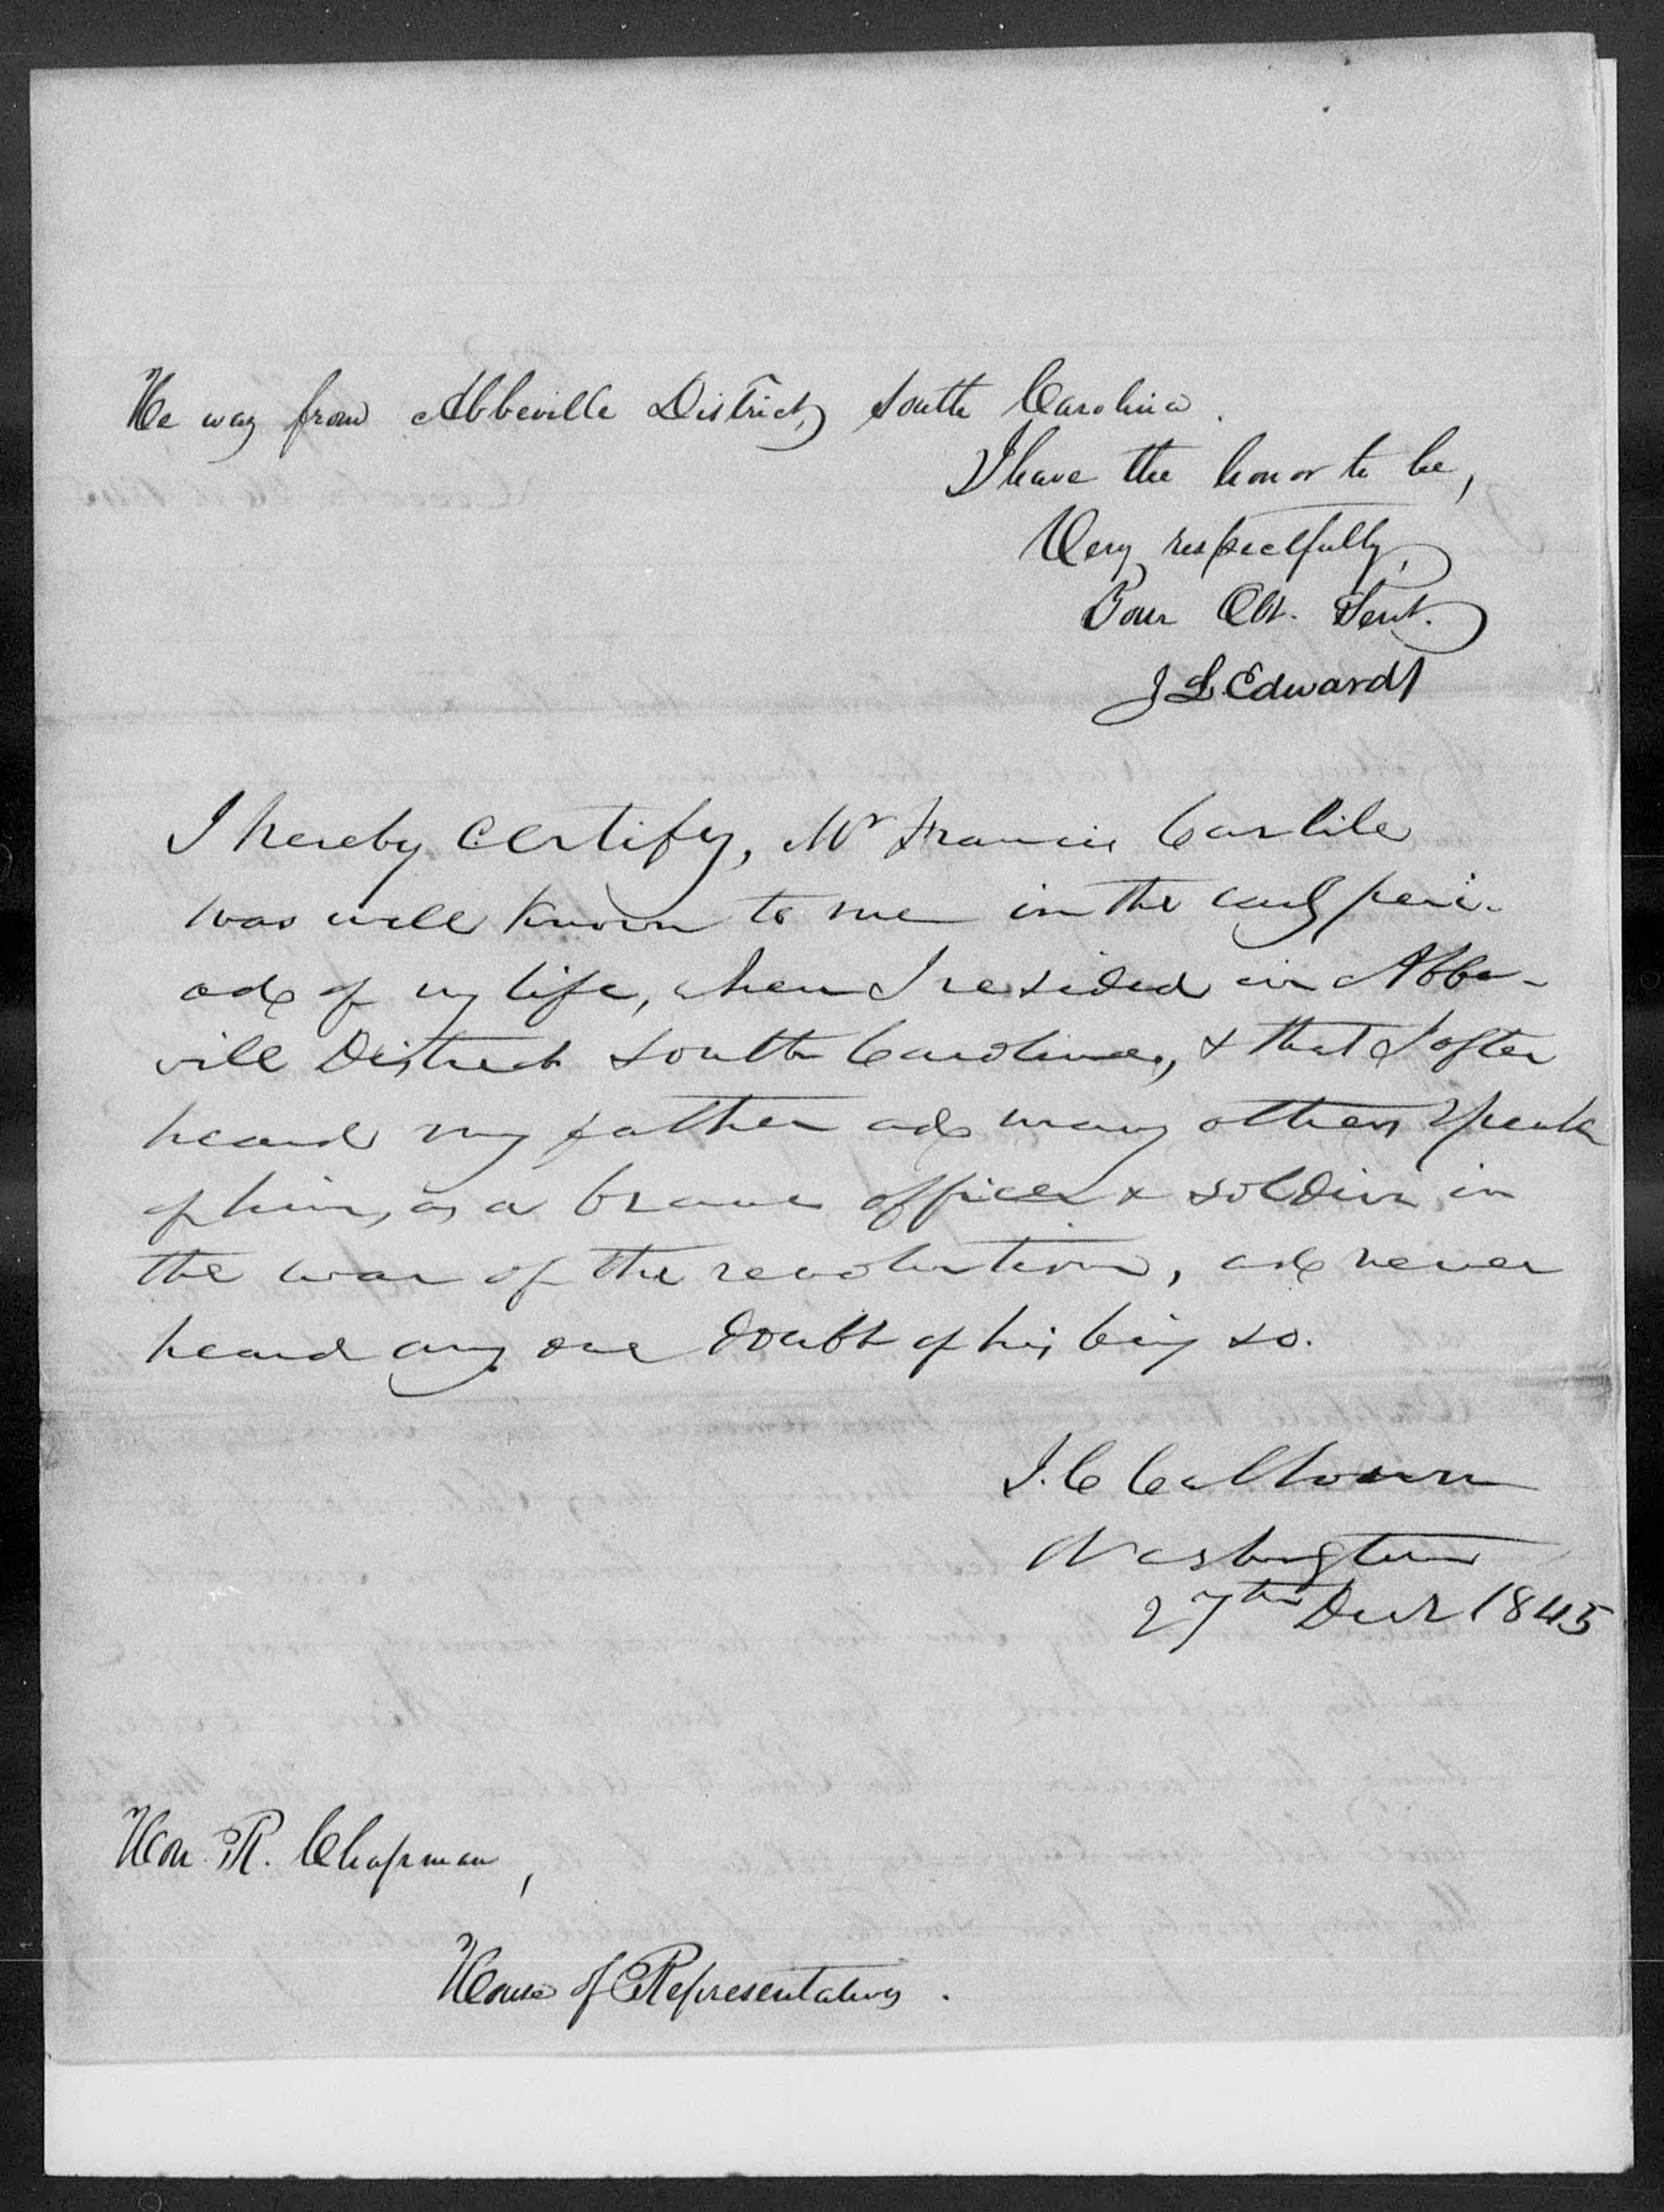He was from Abbeville District South Carolina.
I have the honor to be,
Very respectfully,
Your Obt Sert.
J L Edwards

I hereby certify, Mr Francis Carlile
was well known to me in the early peri
od of my life, when I resided in Abbe-
vile district South Carolina, & that I often
heard my father and many others speak
of him, as a brave officer & soldier in
the war of the revolution, and never
heard any one doubt of his being so.

J. C Calhoun
Washington
27th Decr 1845


Hon R. Chapman,
House of Representatives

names: Francis Carlile, R Chapman, J L Edwards, J C Calhoun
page: 56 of 91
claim: widow's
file: W. 10576, Francis Carlisle, S.C.